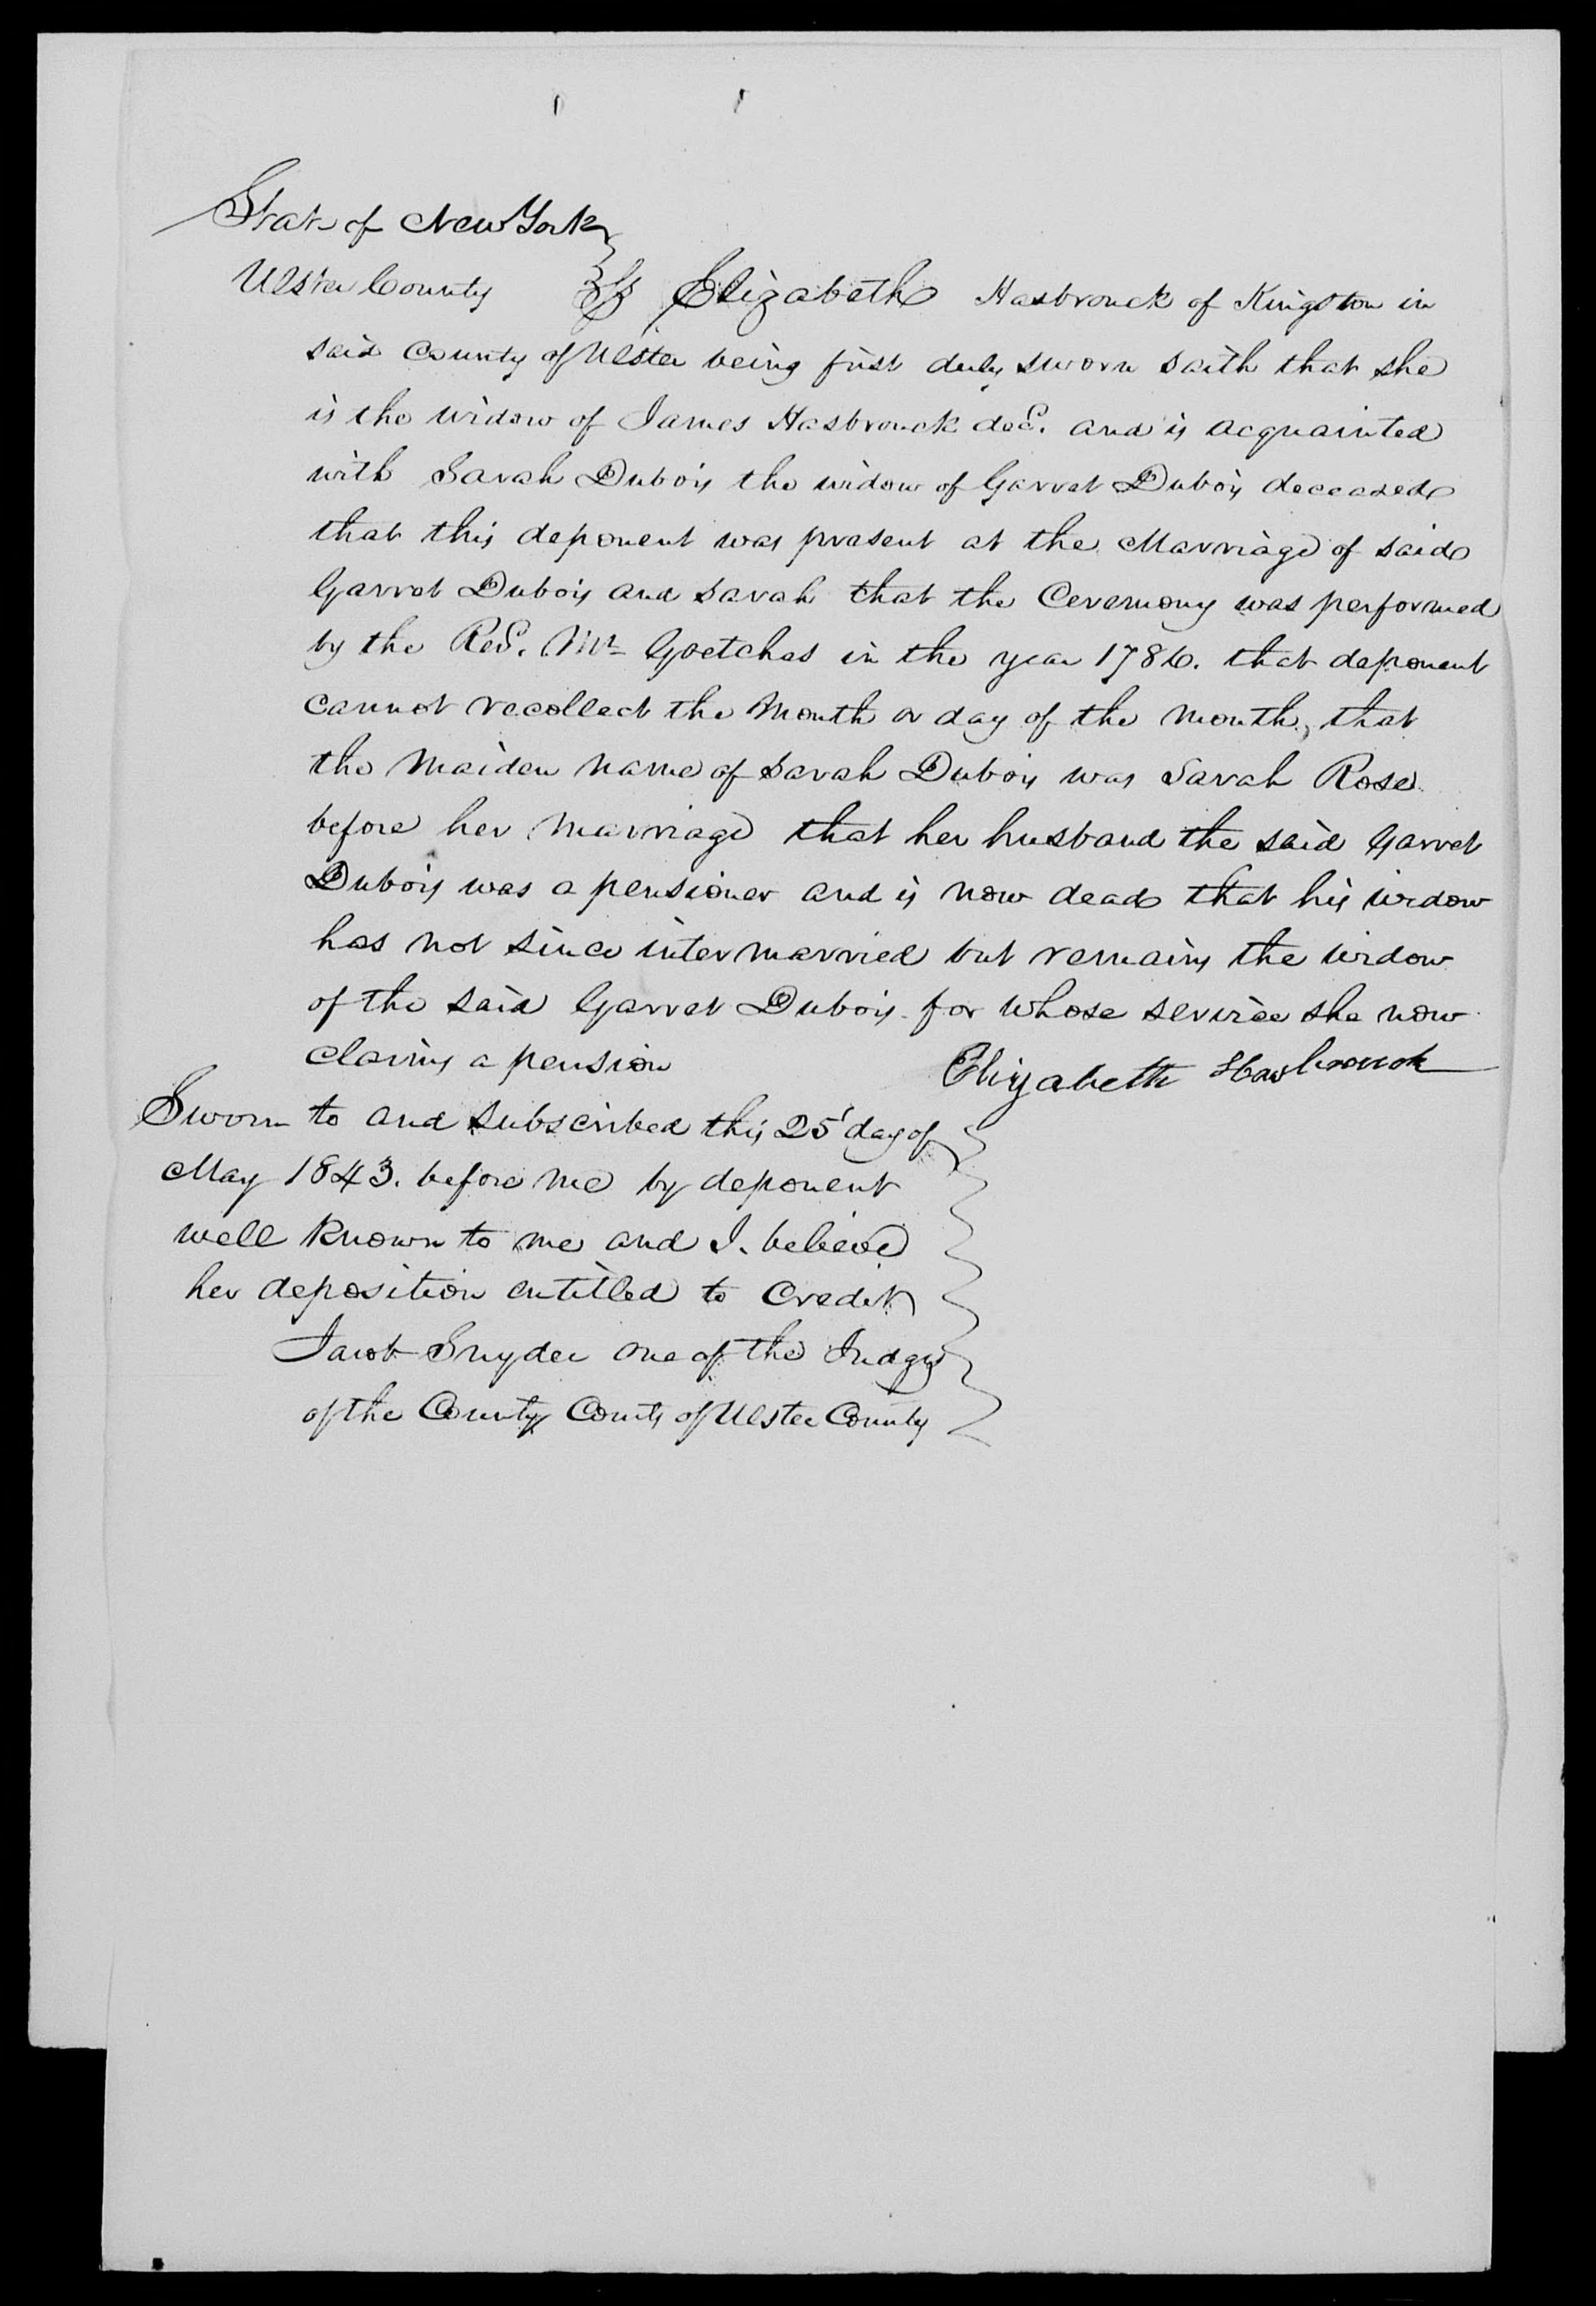State of New York
Ulster County       ⎬ ss
I Elizabeth Hasbrouck of Kingston in said County of Ulster being first duly sworn saith that she is the widow of James Hasbrouck dec'd and is acquainted with
Sarah Dubois the widow of Garret Dubois deceased. that this deponent was present at the Marriage of said Garret Dubois and Sarah that the ceremony was performed by the Rev. Mr Goetches in the year 1786, that deponent cannot recollect the month or day of the month, that the maiden name of Sarah Dubois was Sarah Rose. before her marriage that her husband the said Garret Dubois was a pensioner and is now dead that his widow has not since intermarried but remains the widow of the said Garret Dubois for whose service she now claims a pension
[signed] Elizabeth Hasbrouok
Sworn to and subscribed this 25 day of May 1843, before me by deponent well known to me and I believe her deposition entitled to credit
Jacob Snyder one of the Judges of the County Court of Ulster County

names: Elizabeth Hasbrouck, Garret Dubois, Sarah Dubois, Elizabeth Hasbrouck, James Hasbrouck, Garret Dubois, Jacob Snyder, Garret Dubois, Sarah, Sarah Dubois, Sarah Rose, Garret Dubois, Goetches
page: 27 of 36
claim: widow's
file: W 20995, Gerrit Dubois, New York